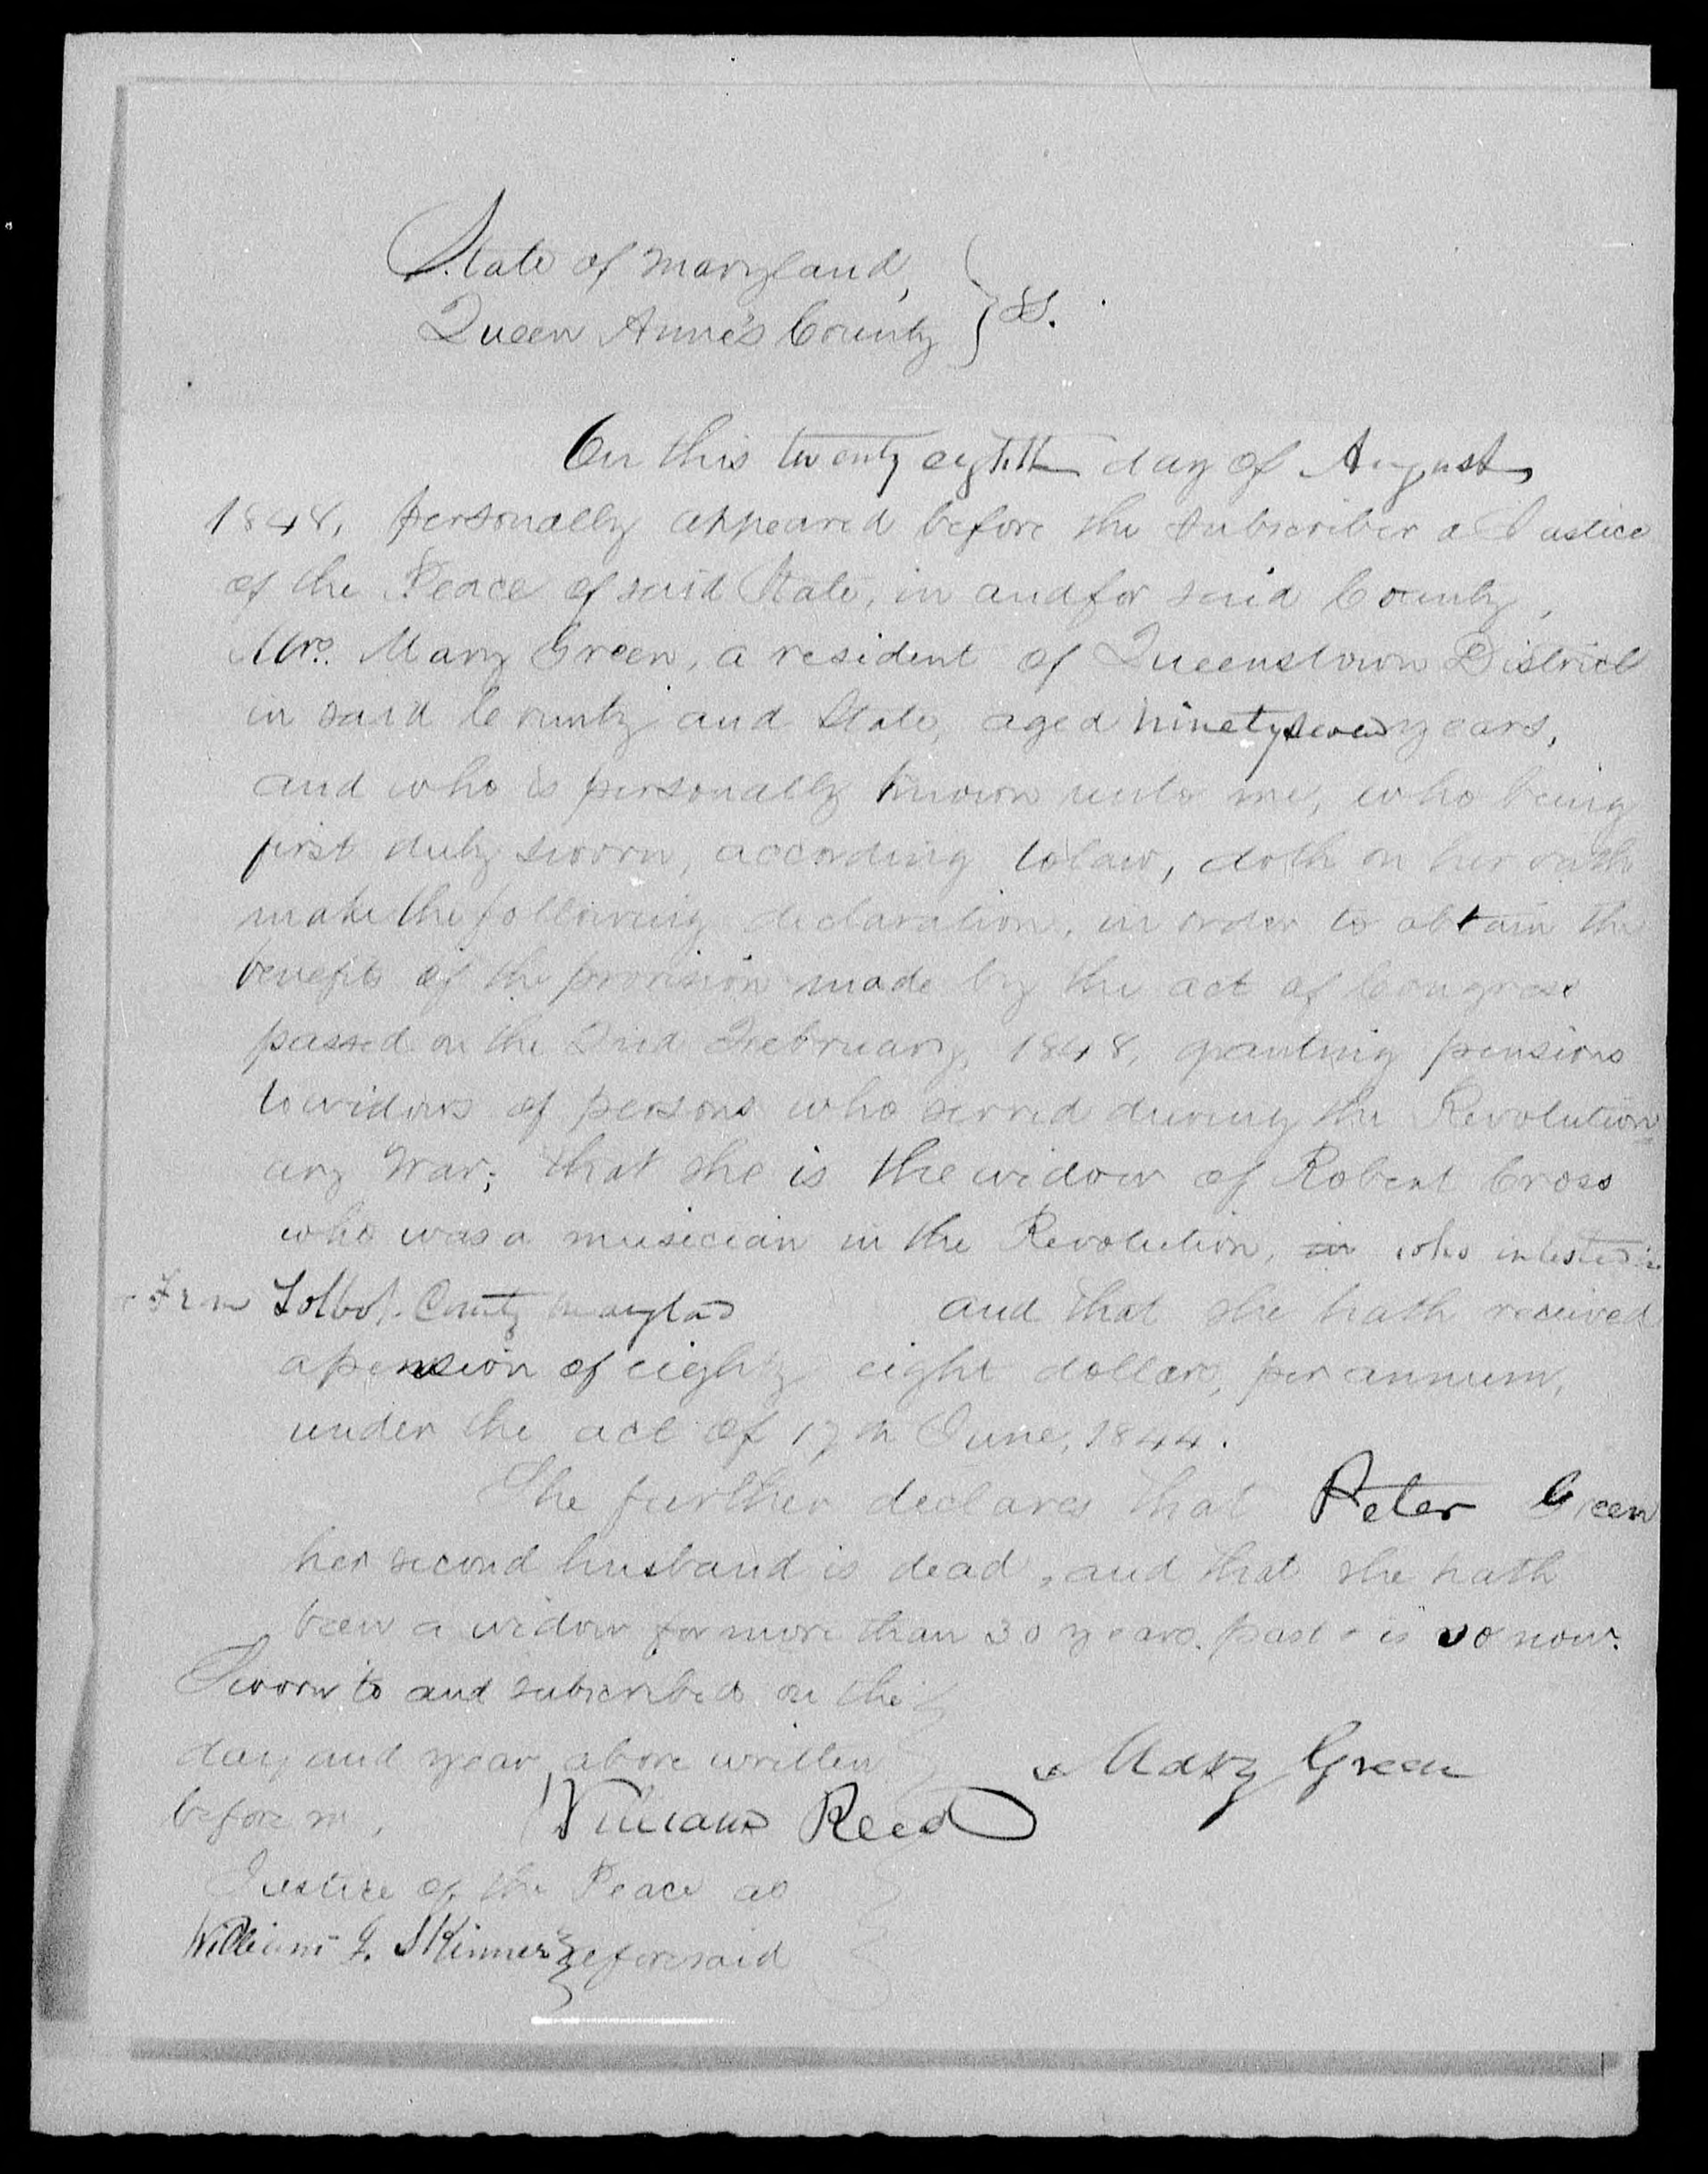State of Maryland }
                                       } ss.
Queen Anne's County }

On this twenty eighth day of August, 1848, personally appeared before the subscriber a Justice of the Peace of said State, in and for said County, Mrs. Mary Green, a resident of Queenstown District in said [county] and State, aged ninety seven years, and who is personally known unto me, who being first duly sworn, according to law, doth on her oath make the following declaration, in order to obtain the benefit of the provision made by the act of Congress passed on the 2nd February, 1848, granting pensions to widows of persons who served during the Revolution-ary war; that she is the widow of Robert Cross who was a musician in the Revolution, who enlisted from Talbot County, Maryland and that she hath rescived [recieved] a pension of eighty eight dollars, per annum, under the act of 17th June, 1844.
The further declares that Peter Green her second husband is dead, and that she hath been a widow for more than 30 years past is so now.
Sworn to and subscribed on the
day and year above written before me.
Justice of the Peace as William J. Skinner aforesaid.
[botton center] [in script]
William Reed
[bottom right] [in script]
Marry Green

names: Robert Cross, Mary Green, Peter Green, William J Skinner, William Reed, Mary Green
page: 14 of 26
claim: widow's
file: W 25651, Robert Cross, Md.